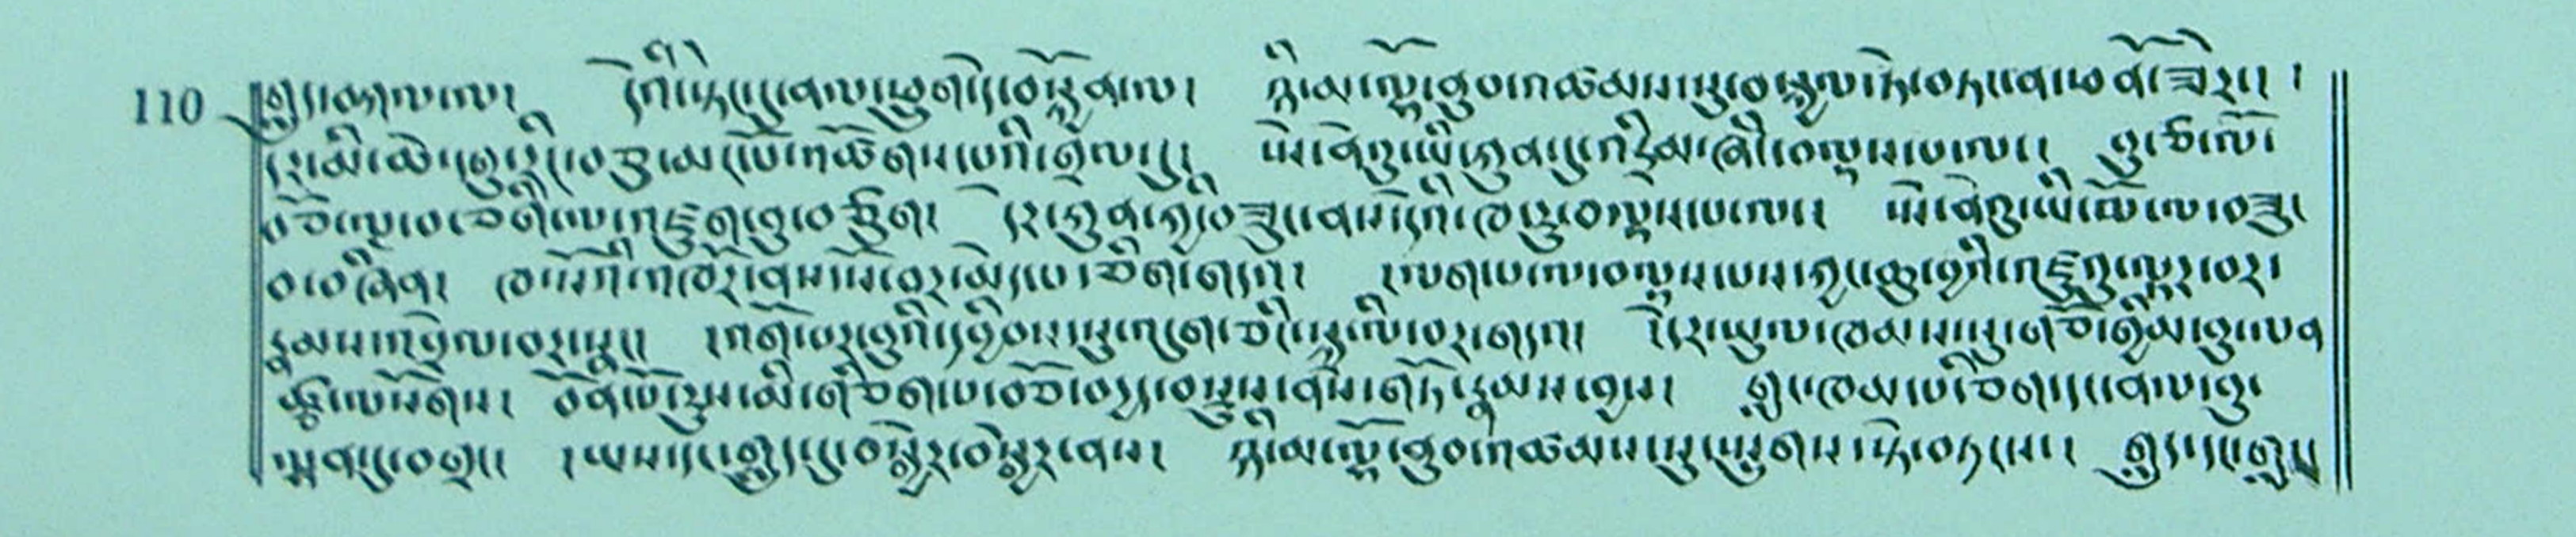གླུད་བཀལ་ལ། དེའི་སྟེང་དུ་ནལ་ཕྲུག་དེར་བསྐྱོན་ལ། ཉི་མ་ལྷོ་ནུབ་ཏུ་འཚམས་སུ་བསྐྱལ་ཏེ་བཏང་ན་ཕན་ནོ་ཟེར། 
དར་མི་ཆེ་དགུ་རིང་བཅུ་མང་པོ་འཚོགས་པའི་གྲལ་དུ། སྤེ་ནེའུ་ཡིས་ཀུན་ལ་འདྲིམ་ཞིང་བལྟས་པ་ལ། བུ་ཙ་ལོ་
བཅོ་ལྔ་བ་གཅིག་ལ་མཛུབ་བུ་བཙུགས། དེར་ཀུན་ཀྱིས་བཟུང་ནས་དེའི་ཁ་རུ་བལྟས་པ་ལ། སྤེ་ནེའུ་ཡིས་མོ་ལ་བཟུང་
བ་བཞིན། ཁ་སོའི་འཁོར་ནས་སོ་བར་མེད་པ་ཅིག་གདའ། ལག་པ་ལ་བལྟས་པས་ཀྱང་ཆུ་བྱའི་མཛུབ་བུ་ལྟར་བར་
རྣམས་འབྲེལ་བར་སྣང་། མགོ་བར་བུའི་དབྱིབས་སུ་འདུག་ཅིང་སྐྲ་ལི་བར་གདའ། དེར་ཡུལ་ཁམས་སུ་གཅོ་གྱིམ་བུ་ལན་
ཚ་ལ་སོགས། བོན་པོ་རུས་མི་གཅིག་པ་བཅོ་བརྒྱད་བསྡུས་ནས་གཏོ་རྣམས་བྱས། གླང་ཁམ་པ་ཅིག་དང་ནལ་བུ་
ལྷན་དུ་བགྲང་། ཡས་དང་གླུད་དུ་བསྒྱེར་བསྒྱེར་ནས། ཉི་མ་ལྷོ་ནུབ་འཚམས་སུ་སྤྱུགས་ཏེ་བཏང་། གླུད་དང་གླང་